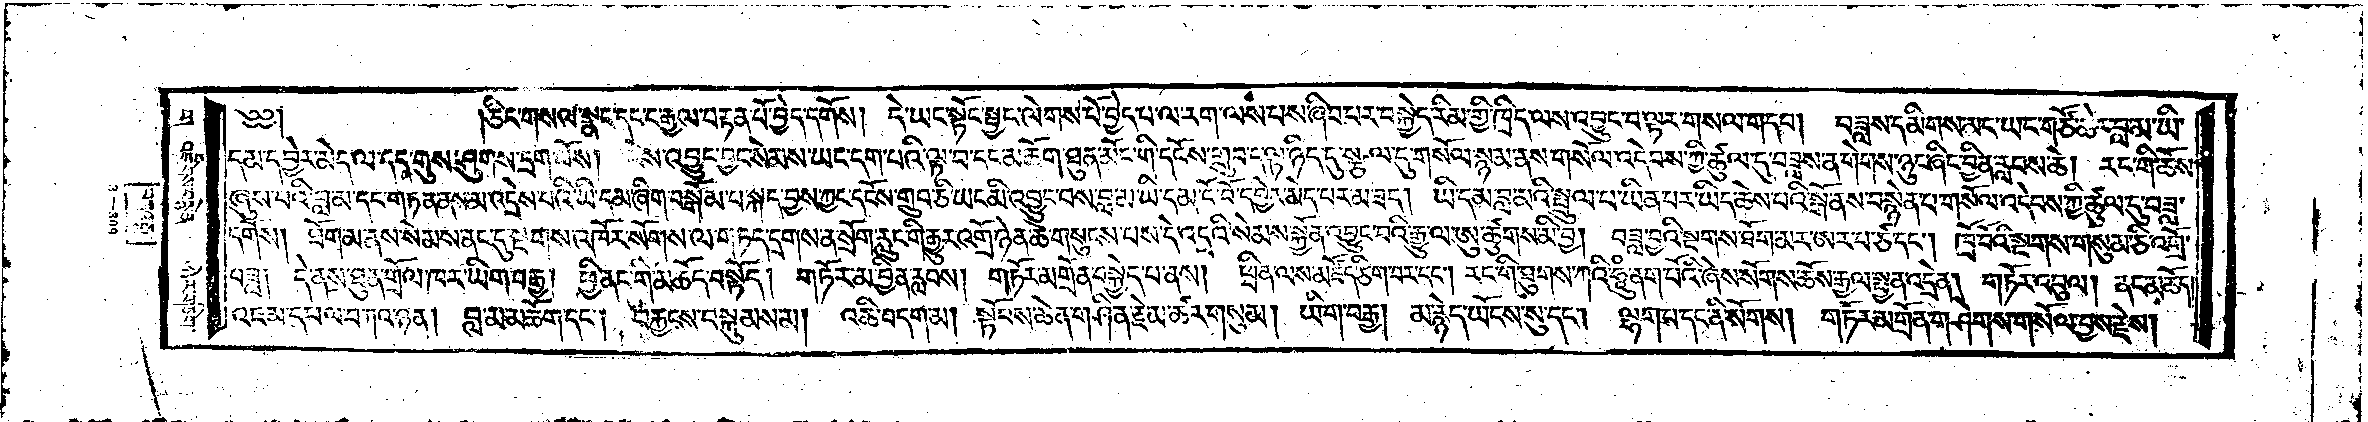༄༅། །ཅིང་གསལ་སྣང་དང་ང་རྒྱལ་བརྟན་པོ་བྱེད་དགོས། དེ་ཡང་སྟོང་སྦྱང་ལེགས་པོ་བྱེད་པ་ལ་རག་ལས་པས་ཞིབ་པར་བསྐྱེད་རིམ་གྱི་ཁྲིད་ལས་འབྱུང་བ་ལྟར་གསལ་གདབ། བཟླས་དམིགས་མང་ཡང་གཙོ་ཆེར་བླ་མ་ཡི་
དམ་དབྱེར་མེད་ལ་དད་གུས་ཤུགས་དྲག་པོས། ངེས་འབྱུང་བྱང་སེམས་ཡང་དག་པའི་ལྟ་བ་དང་མཆོག་ཐུན་མོང་གི་དངོས་གྲུབ་ད་ལྟ་ཉིད་དུ་སྩལ་དུ་གསོལ་སྙམ་ནས་གསོལ་འདེབས་ཀྱི་ཚུལ་དུ་བཟླས་ན་གེགས་ཉུང་ཞིང་བྱི་རླབས་ཆེ། རང་གི་ཆོས་
ཞུས་པའི་བླ་མ་དང་གཏན་ནས་མ་འདྲེས་པའི་ཡི་དམ་ཞིག་བསྒོམ་པ་སྐད་བྱས་ཀྱང་དངོས་གྲུབ་ཅི་ཡང་མི་འབྱུང་བས་བླ་ལ་ཡི་དམ་ངོ་བོ་དབྱེར་མེད་པར་མ་ཟད། ཡི་དམ་བླ་མའི་སྤྲུལ་པ་ཡིན་པར་ཡིད་ཆེས་པའི་སྒོ་ནས་བསྙེན་པ་གསོལ་འདེབས་ཀྱི་ཚུལ་དུ་བཟླ་
དགོས། ཐོག་མ་ནས་སེམས་ནང་དུ་སྔགས་འཁོར་སོགས་ལ་གཏད་དྲགས་ན་སྲོག་རླུང་གི་རྒྱུར་འགྲོ་ཉེན་ཆེ་གསུངས་པས་དེ་འདྲའི་སེམས་སྐྱོན་འབྱུང་བའི་རྒྱུ་ལ་ཨུ་ཚུགས་མི་བྱ། བཟླ་བྱའི་སྔགས་ཐོག་མར་ཨ་ར་པ་ཙ་དང་། ཁྲོ་བོའི་སྔགས་གསུམ་ཅི་འགྲོ་
བཟླ། དེ་ནས་ཐུན་གྲོལ་ཁར་ཡིག་བརྒྱ། ཕྱི་ནང་གི་མཆོད་བསྟོད། གཏོར་མ་བྱིན་རླབས། གཏོར་མགྲོན་བསྐྱེད་པ་ནས། ཕྲིན་ལས་མཛོད་ཅིག་བར་དང་། རང་གི་ཐུགས་ཀའི་ཧཱུཾ་ནག་པོའི་ཞེས་སོགས་ཆོས་རྒྱལ་སྤྱན་འདྲེན། གཏོར་འབུལ། ནང་མཆོད་
འཇམ་དཔལ་བཀའ་ཉན། བླ་མ་མཆོག་དང་། བརྐྱངས་བསྐུམས་མ། འཆི་བདག་མ། སྟོབས་ཆེན་གཤིན་རྗེ་མ་ཚར་གསུམ། ཡིག་བརྒྱ། མ་རྙེད་ཡོངས་སུ་དང་། ལྷག་པ་དང་ནི་སོགས། གཏོར་མགྲིན་གཤེགས་གསོལ་བྱས་རྗེས།